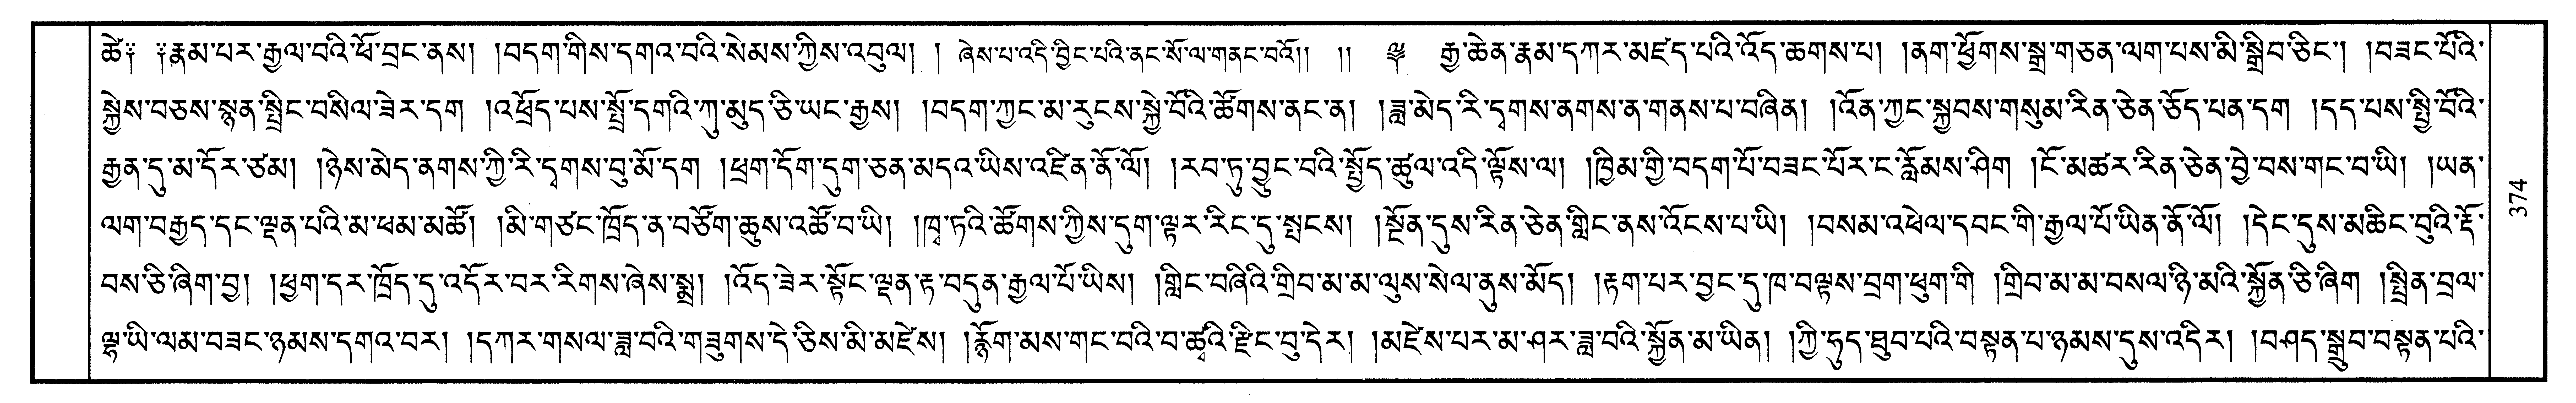ཚེ༑ ༑རྣམ་པར་རྒྱལ་བའི་ཕོ་བྲང་ནས། །བདག་གིས་དགའ་བའི་སེམས་ཀྱིས་འབུལ། །ཞེས་པ་འདི་བྱིང་པའི་ནང་སོ་ལ་གནང་བའོ།། །། ༈ རྒྱ་ཆེན་རྣམ་དཀར་མཛད་པའི་འོད་ཆགས་པ། །ནག་ཕྱོགས་སྒྲ་གཅན་ལག་པས་མི་སྒྲིབ་ཅིང་། །བཟང་པོའི་
སྐྱེས་བཅས་སྙན་སྤྲིང་བསིལ་ཟེར་དག །འཕྲོད་པས་སྤྲོ་དགའི་ཀུ་མུད་ཅི་ཡང་རྒྱས། །བདག་ཀྱང་མ་རུངས་སྐྱེ་བོའི་ཚོགས་ནང་ན། །ཟླ་མེད་རི་དྭགས་ནགས་ན་གནས་པ་བཞིན། །འོན་ཀྱང་སྐྱབས་གསུམ་རིན་ཅེན་ཅོད་པན་དག །དད་པས་སྤྱི་བོའི་
རྒྱན་དུ་མ་དོར་ཙམ། །ཉེས་མེད་ནགས་ཀྱི་རི་དྭགས་བུ་མོ་དག །ཕྲག་དོག་ཅན་མདའ་ཡིས་འཛིན་ནོ་ལོ། །རབ་ཏུ་བྱུང་བའི་སྤྱོད་ཚུལ་འདི་ལྟོས་ལ། །ཁྱིམ་གྱི་བདག་པོ་བཟང་པོར་ང་རློམས་ཤིག །ངོ་མཚར་རིན་ཅེན་བྱེ་བས་གང་བ་ཡི། །ཡན་
ལག་བརྒྱད་དང་ལྡན་པའི་མ་ཕམ་མཚོ། །མི་གཙང་ཁྲོད་ན་བཙོག་ཆུས་འཚོ་བ་ཡི། །ཁྭ་ཏའི་ཚོགས་ཀྱིས་དུག་ལྟར་རིང་དུ་སྤངས། །སྔོན་དུས་རིན་ཅེན་གླིང་ནས་འོངས་པ་ཡི། །བསམ་འཕེལ་དབང་གི་རྒྱལ་པོ་ཡིན་ནོ་ལོ། །དེང་དུས་མཆིང་བུའི་རྡོ་
བས་ཅི་ཞིག་བྱ། །ཕྱག་དར་ཁྲོད་དུ་འདོར་བར་རིགས་ཞེས་སྨྲ། །འོད་ཟེར་སྟོང་ལྡན་རྟ་བདུན་རྒྱལ་པོ་ཡིས། །གླིང་བཞིའི་གྲིབ་མ་མ་ལུས་སེལ་ནུས་མོད། །རྟག་པར་བྱང་དུ་ཁ་བལྟས་བྲག་ཕུག་གི །གྲིབ་མ་མ་བསལ་ཉི་མའི་སྐྱོན་ཅི་ཞིག །སྤྲིན་བྲལ་
ལྷ་ཡི་ལམ་བཟང་ཉམས་དགའ་བར། །དཀར་གསལ་ཟླ་བའི་གཟུགས་དེ་ཅིས་མི་མཛེས། །རྙོག་མས་གང་བའི་བ་ཚྭའི་རྫིང་བུ་དེར། །མཛེས་པར་མ་ཤར་ཟླ་བའི་སྐྱོན་མ་ཡིན། །ཀྱི་ཧུད་ཐུབ་པའི་བསྟན་པ་ཉམས་དུས་འདིར། །བཤད་སྒྲུབ་བསྟན་པའི་